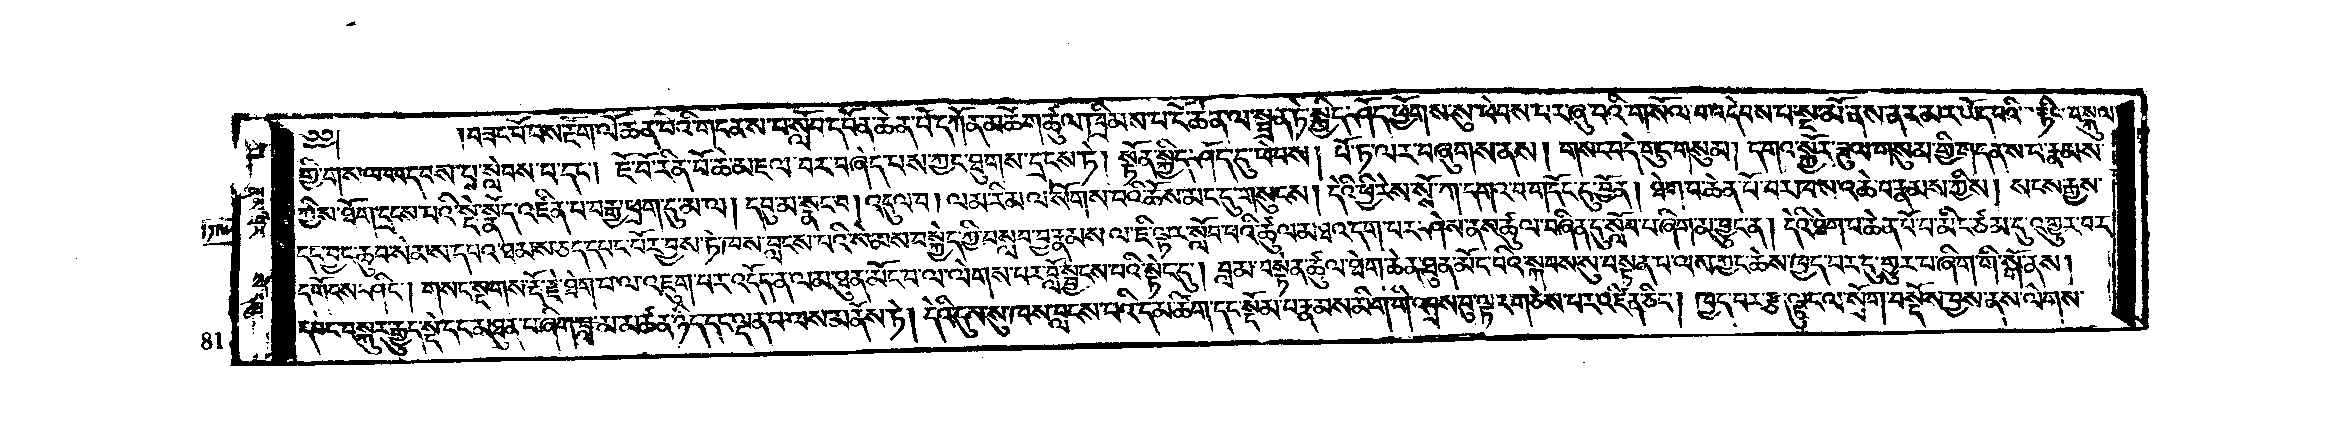༄༅། །བཟང་པོ་པས་རྔོག་ལོ་ཆན་པོའི་གདན་ས་པ་སློབ་དཔོན་ཆེན་པོ་དཀོན་མཆོག་ཚུལ་ཁྲིམས་པ་ངོ་ཆེན་ལ་སྦྲན་ཏེ་སྐྱིད་ཤོད་ཕྱོགས་སུ་ཕེབས་པར་ཞུ་བའི་གསོལ་བ་འདེབས་པ་སྔ་མོ་ནས་ནར་མར་ཡོད་པའི་རྟིང་བསྐུལ་
གྱི་གསལ་བབ་དབས་པས་སླེབས་པ་དང་། ཇོ་བོ་རིན་པོ་ཆེ་མཇལ་བར་བཞེད་པས་ཀྱང་ཐུགས་དྲངས་ཏེ། སྟོན་སྐྱིད་ཤོད་དུ་ཕེབས། པོ་ཏ་ལར་བཞུགས་ནས། གསང་བདེ་གུང་གསུམ། དགའ་སྐྱོར་ཟུལ་གསུམ་གྱི་གདན་ས་པ་རྣམས་
ཀྱིས་ཐོག་དྲངས་པའི་སྡེ་སྣོད་འཛིན་པ་བརྒྱ་ཕྲག་དུ་མ་ལ། དབུ་མ་སྣང་བ། འདུལ་བ། ལམ་རིམ་ལ་སོགས་པའི་ཆོས་མང་དུ་གསུངས། དེའི་ཕྱི་རེས་སོས་ཀ་དགའ་བ་གདོང་དུ་བྱོན། ཐེག་པ་ཆེན་པོ་བར་ཁས་འཆེ་བ་རྣམས་ཀྱིས། སངས་རྒྱས་
དང་བྱང་ཆུབ་སེམས་དཔའ་ཐམས་ཅད་དཔང་པོར་བྱས་ཏེ་ཁས་བླངས་པའི་སེམས་བསྐྱེད་ཀྱི་བསླབ་བྱ་རྣམས་ལ་ཇི་ལྟར་སློབ་པའི་ཚུལ་མཐའ་དག་པར་ཤེས་ནས་ཚུལ་བཞིན་དུ་སློབ་པ་ཞིག་མ་བྱུང་ན། དེའི་ཐེག་པ་ཆེན་པོ་པ་མིང་ཙམ་དུ་འགྱུར་བར་
དགོངས་ཤིང་། གསང་སྔགས་རྡོ་རྗེ་ཐེག་པ་ལ་འཇུག་པར་འདོད་ན་ལམ་ཐུན་མོང་བ་ལ་ལེགས་པར་བློ་སྦྱངས་པའི་སྟེང་དུ། བླ་མ་བསྟེན་ཚུལ་ཐེག་ཆེན་ཐུན་མོང་བའི་སྐབས་སུ་བསྟན་པ་ལས་ཀྱང་ཆེས་ཁྱད་པར་དུ་གྱུར་པ་ཞིག་གི་སྒོ་ནས།
དབང་བསྐུར་རྒྱུད་སྡེ་དང་མཐུན་པ་ཞིག་བླ་མ་མཚན་ཉིད་དང་ལྡན་པ་ལས་མནོས་ཏེ། དེའི་དུས་སུ་ཁས་བླངས་པའི་དམ་ཚིག་དང་སྡོམ་པ་རྣམས་མིག་གི་འབྲས་བུ་ལྟར་གཅེས་པར་འཛིན་ཅིང་། ཁྱད་པར་རྩ་ལྟུང་ལ་སྲོག་བསྡོས་བྱས་ནས་ལེགས་